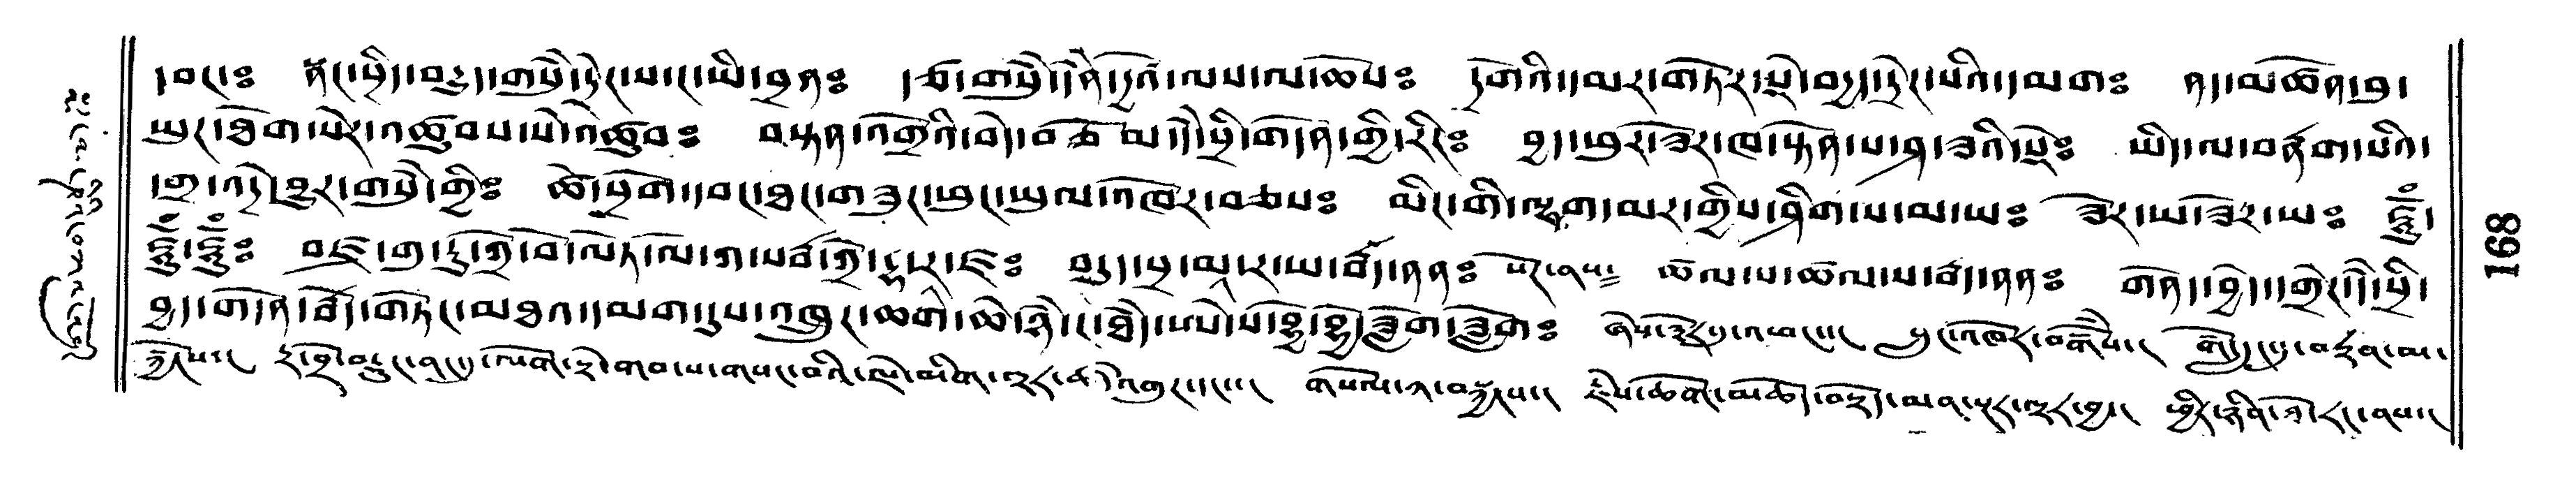དབང༔ སྣང་སྲིད་བརྒྱུད་གསུམ་དྲེགས་པ་ང་ཡི་བྲན༔ རྩ་གསུམ་དམ་ཅན་རྒྱ་མཚོ་ལས་ལ་ཆོས༔ དྲག་པོའི་དམར་གཏོར་སྡེ་བརྒྱད་དྲེགས་པའི་དམག༔ ནད་མཚོན་བུ་
ཡུག་ཐོག་སེར་འཚུབ་སེ་འཚུབ༔ བསྟན་འགྲོའི་བདེ་བཅོམ་དམ་སྲི་གདོན་གྱི་རིགས༔ བྱད་ཕུར་ཟོར་ཁ་སྟོན་པ་ཤ་ཟའི་སྡེ༔ ཡིད་ལ་བརྣག་པའི་
དགྲ་འདྲེ་བྱུར་གསུམ་གྱི༔ ཚེ་སྲོག་དབང་ཐང་གཟུགས་ཕུང་ཡུལ་འཁོར་བཅས༔ མིང་གི་ལྷག་མར་གྱིས་ཤིག་ས་མ་ཡ༔ ཟོར་ཡ་ཟོར་ཡ༔ ཧཱུྃ་
ཧཱུྃ་ཧཱུྃ༔ བཛྲ་གུ་རུ་གྲོ་བོ་ལོཏ་ལོ་ཀ་སརྦ་ཀྲོ་དྷ་རཱ་ཛ༔བདུད་པྲ་མཱ་ར་ཡ་རྦད་ནན༔ སོགས་ནས། ཚལ་པ་ཚལ་པ་རྦད་ནན༔ གནོད་བྱེད་དགྲ་བགེགས་དམ་སྲི་
བྱད་གདོན་རྦོད་གཏོང་མཐའ་དམག་དུས་འཁྲུགས་ཆག་ཆེ་ཉམ་ང་ཐམས་ཅད་ཨེ་ས་བྷྱོ་བྷྱོ་ཟློག་ཟློག༔ ཞེས་ཟོར་འཕང་། སྲུང་འཁོར་བསྒོམས། སྒོ་དྲུང་དུ་བརྟན་མ་
བསྐྱང་། རྟ་བྲོ་བརྡུང་ནང་དུ་ལོག་སྟེ་གབ་པ་གསང་བའི་ལྡེ་མིག་ལྟར་ཚེ་འགུགས་དང་། གསོལ་ཀ་བསྐྱང་། རྗེས་ཆོག་མཆོད་བསྟོད་མན་སྔར་ལྟར་བྱ། ཕྱི་ཉིན་ཐོ་རངས་ནས།